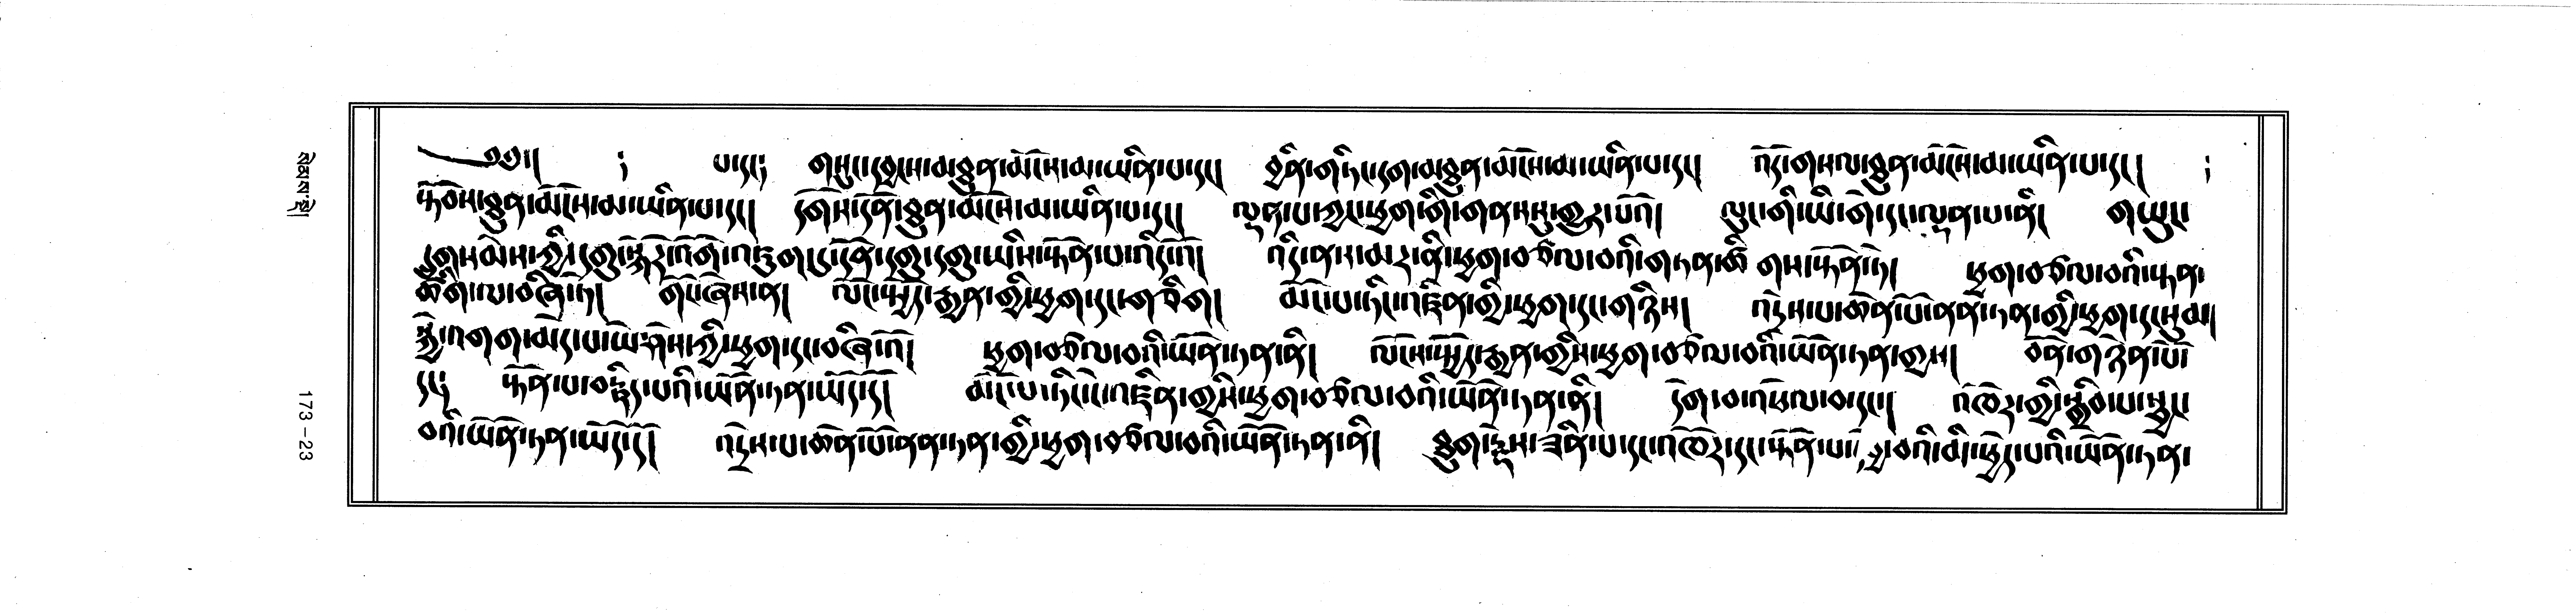པ་དང་། གསུང་དབྱངས་ཐུན་མོང་མ་ཡིན་པ་དང་། བྱིན་གཏིང་དག་ཐུན་མོང་མ་ཡིན་པ་དང་། འོད་གསལ་ཐུན་མོང་མ་ཡིན་པ་དང་། 
སྟོབས་ཐུན་མོང་མ་ཡིན་པ་དང་། དགོས་དོན་ཐུན་མོང་མ་ཡིན་པ་དང་ལྡན་པས་ཀྱང་ཕྱག་གི་གནས་སུ་གྱུར་པའོ། །ལུང་གི་ཡི་གེ་དང་ལྡན་པ་ནི། གཡུང་
དྲུང་སེམས་ཀྱི་དགུ་སྐོར་འོག་འཇུག་ཏུ་དོན་དགུ་དགུ་ཡིས་སྟོན་པ་འདིའོ། ། འདི་ནས་མར་ནི་ཕྱག་འཚལ་བའི་གཏན་ཚིགས་སྟོན་ཏེ། ཕྱག་འཚལ་བའི་གཏན་
ཚིགས་ལ་བཞི་སྟེ། གང་ཞེ་ན། ལོངས་སྤྱོད་རྒྱན་གྱི་ཕྱག་དང་གཅིག མོས་པ་ཏིང་ངེ་འཛིན་གྱི་ཕྱག་དང་གཉིས། འདྲེས་པ་ཆེན་པོ་ནན་ཏན་གྱི་ཕྱག་དང་གསུམ། 
སྐྱེ་འགག་མེད་པ་ཡེ་ཤེས་ཀྱི་ཕྱག་དང་བཞིའོ། ཕྱག་བཙལ་བའི་ཡོན་ཏན་ནི། ལོངས་སྤྱོད་རྒྱན་གྱི་ཕྱག་བཙལ་བའི་ཡོན་ཏན་གྱིས། བོན་གཉེན་པོ་
དང་སྟོན་པ་བརྗིད་པའི་ཡོན་ཏན་ཡོད་དོ། མོས་པ་ཏིང་ངེ་འཛིན་གྱི་ཕྱག་བཙལ་བའི་ཡོན་ཏན་ནི། དགེ་བ་འཕེལ་བ་དང་། འཁོར་གྱི་སྒྲིབ་པ་སྦྱང་
བའི་ཡོན་ཏན་ཡོད་དོ། འདྲེས་པ་ཆེན་པོ་ནན་ཏན་གྱི་ཕྱག་བཙལ་བའི་ཡོན་ཏན་ནི། ཐུགས་རྗེས་ཟིན་པ་དང་འཁོར་དང་སྟོན་པ་དབྱེར་མི་ཕྱེད་པའི་ཡོན་ཏན་